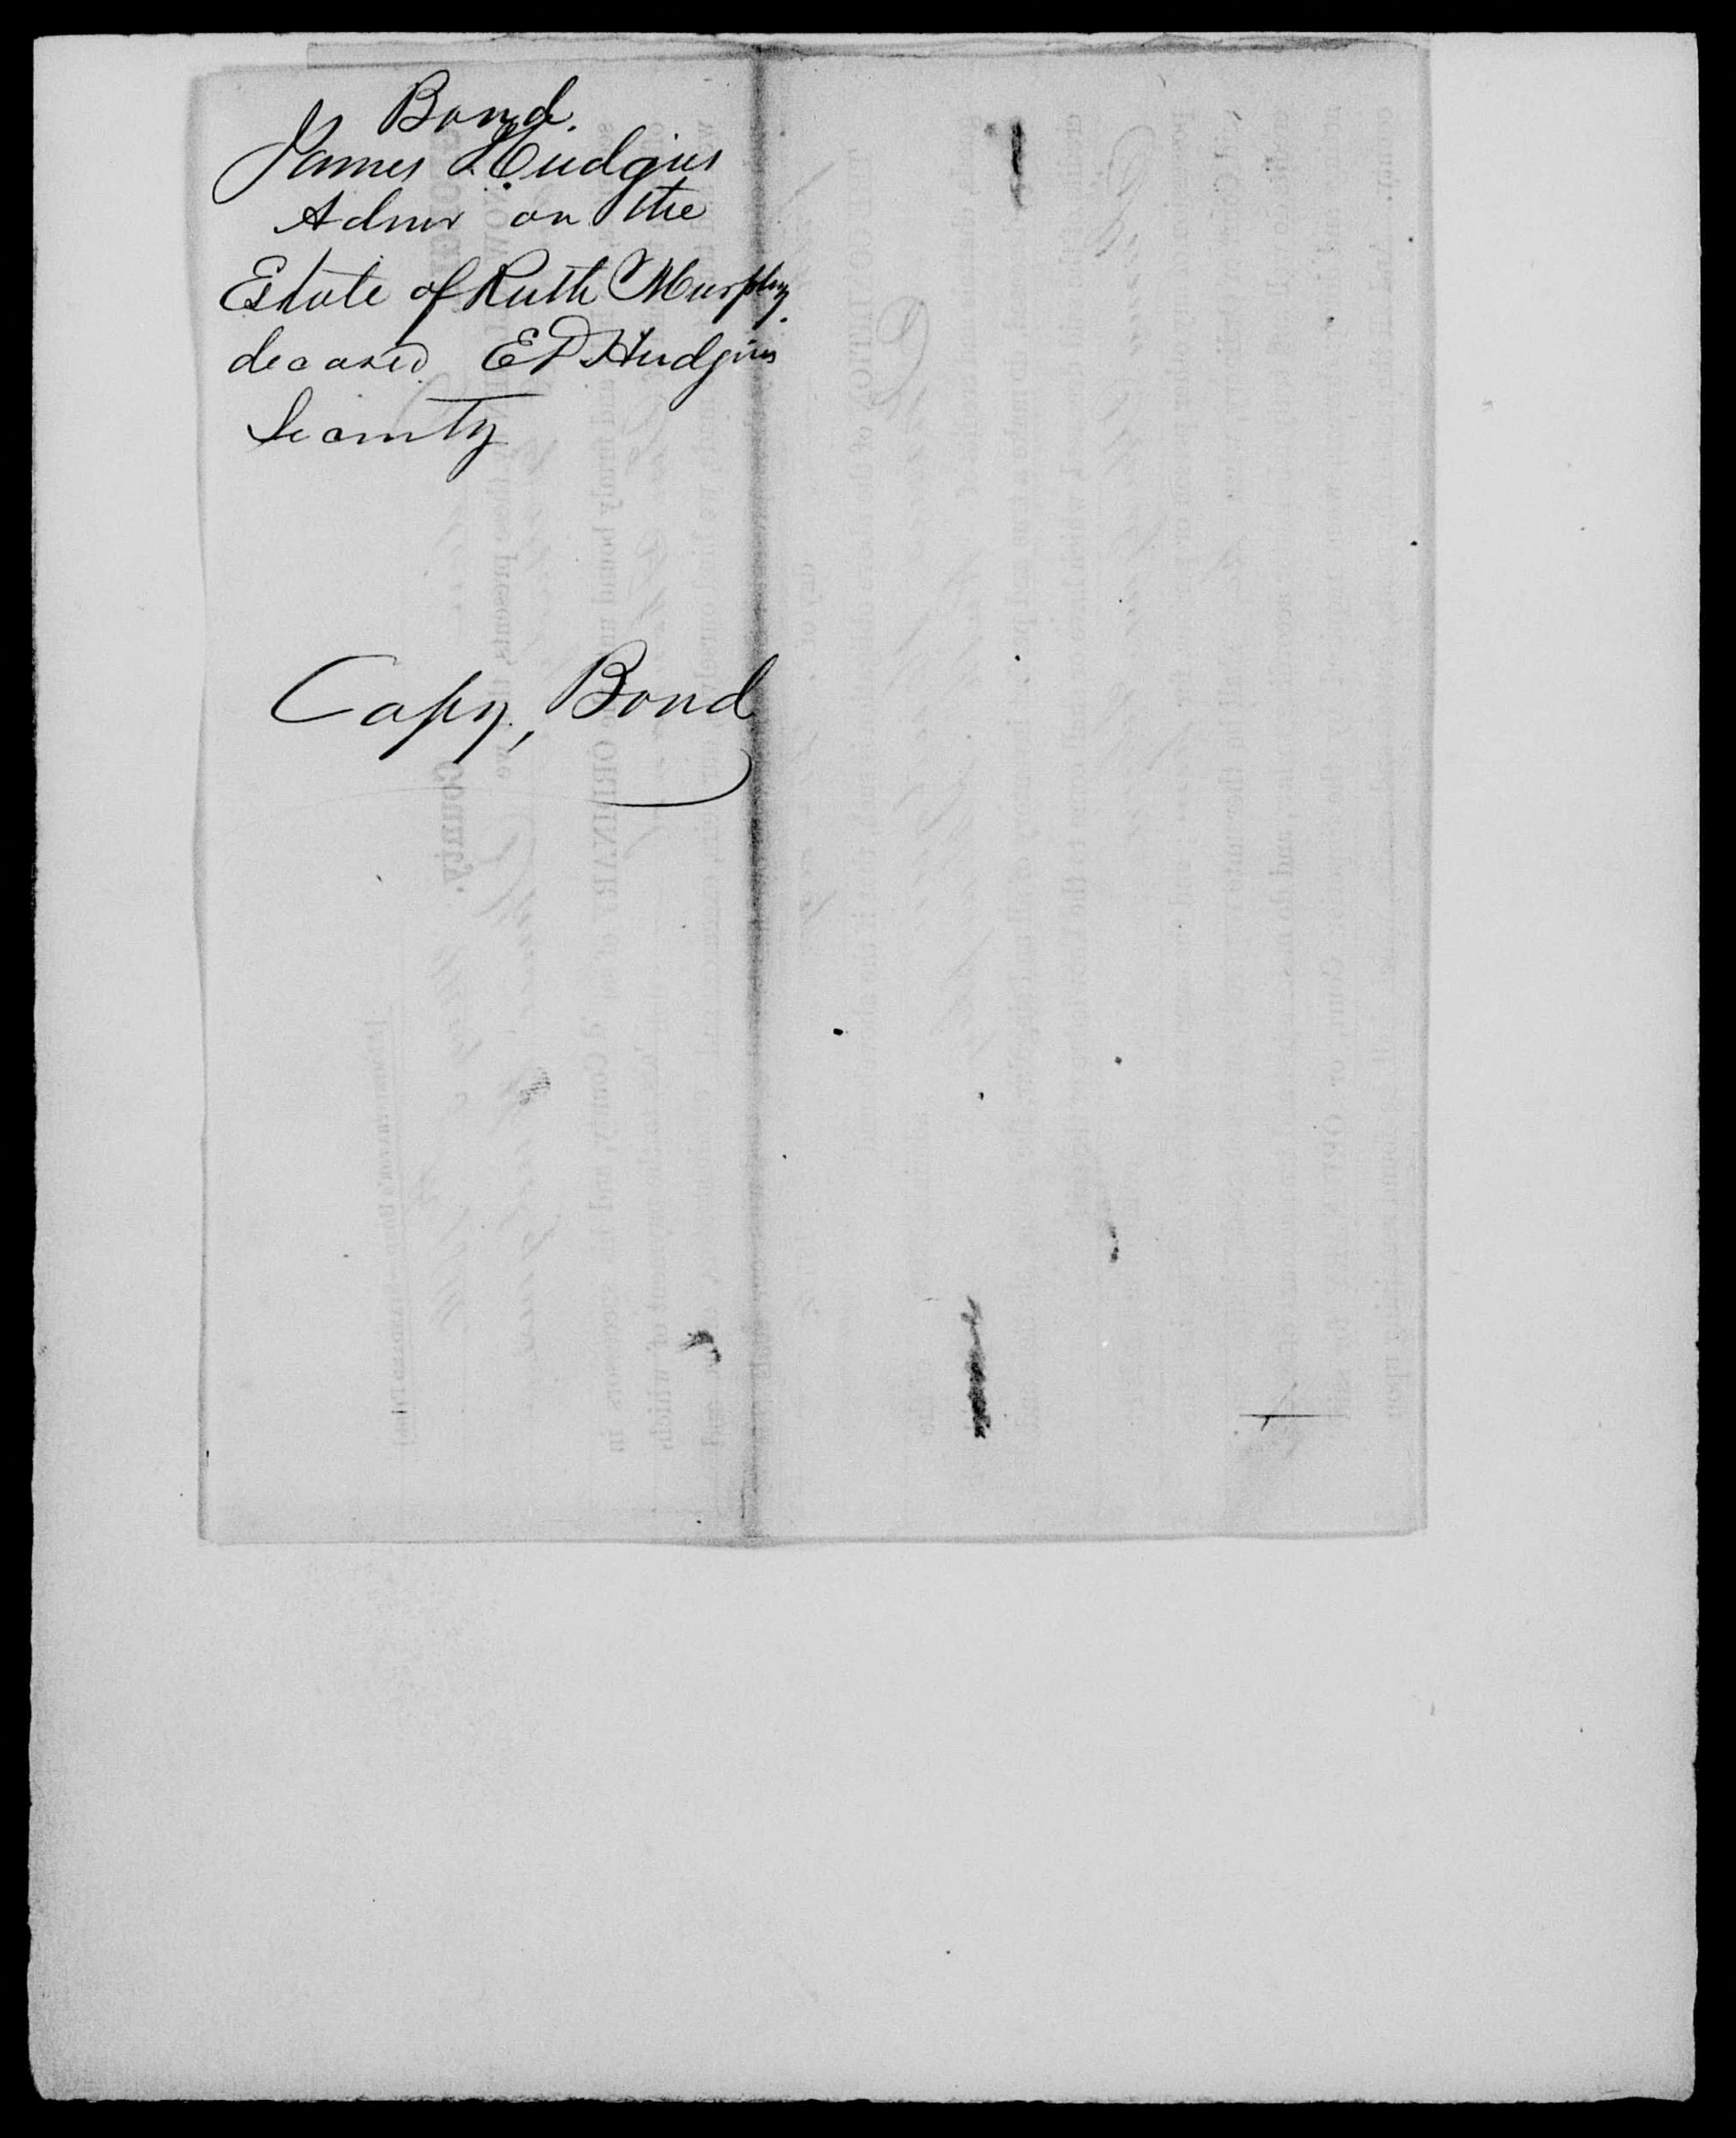Bond
James Hudgins
Admin on the Estate of Ruth Murphy
Deceased E.D. Hudgins
(Looks like liamtz)

Copy, Bond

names: Ruth Murphy, E D Hudgins, James Hudgies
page: 65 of 108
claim: rejected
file: R. 7,515, John Hudgins, N.C.